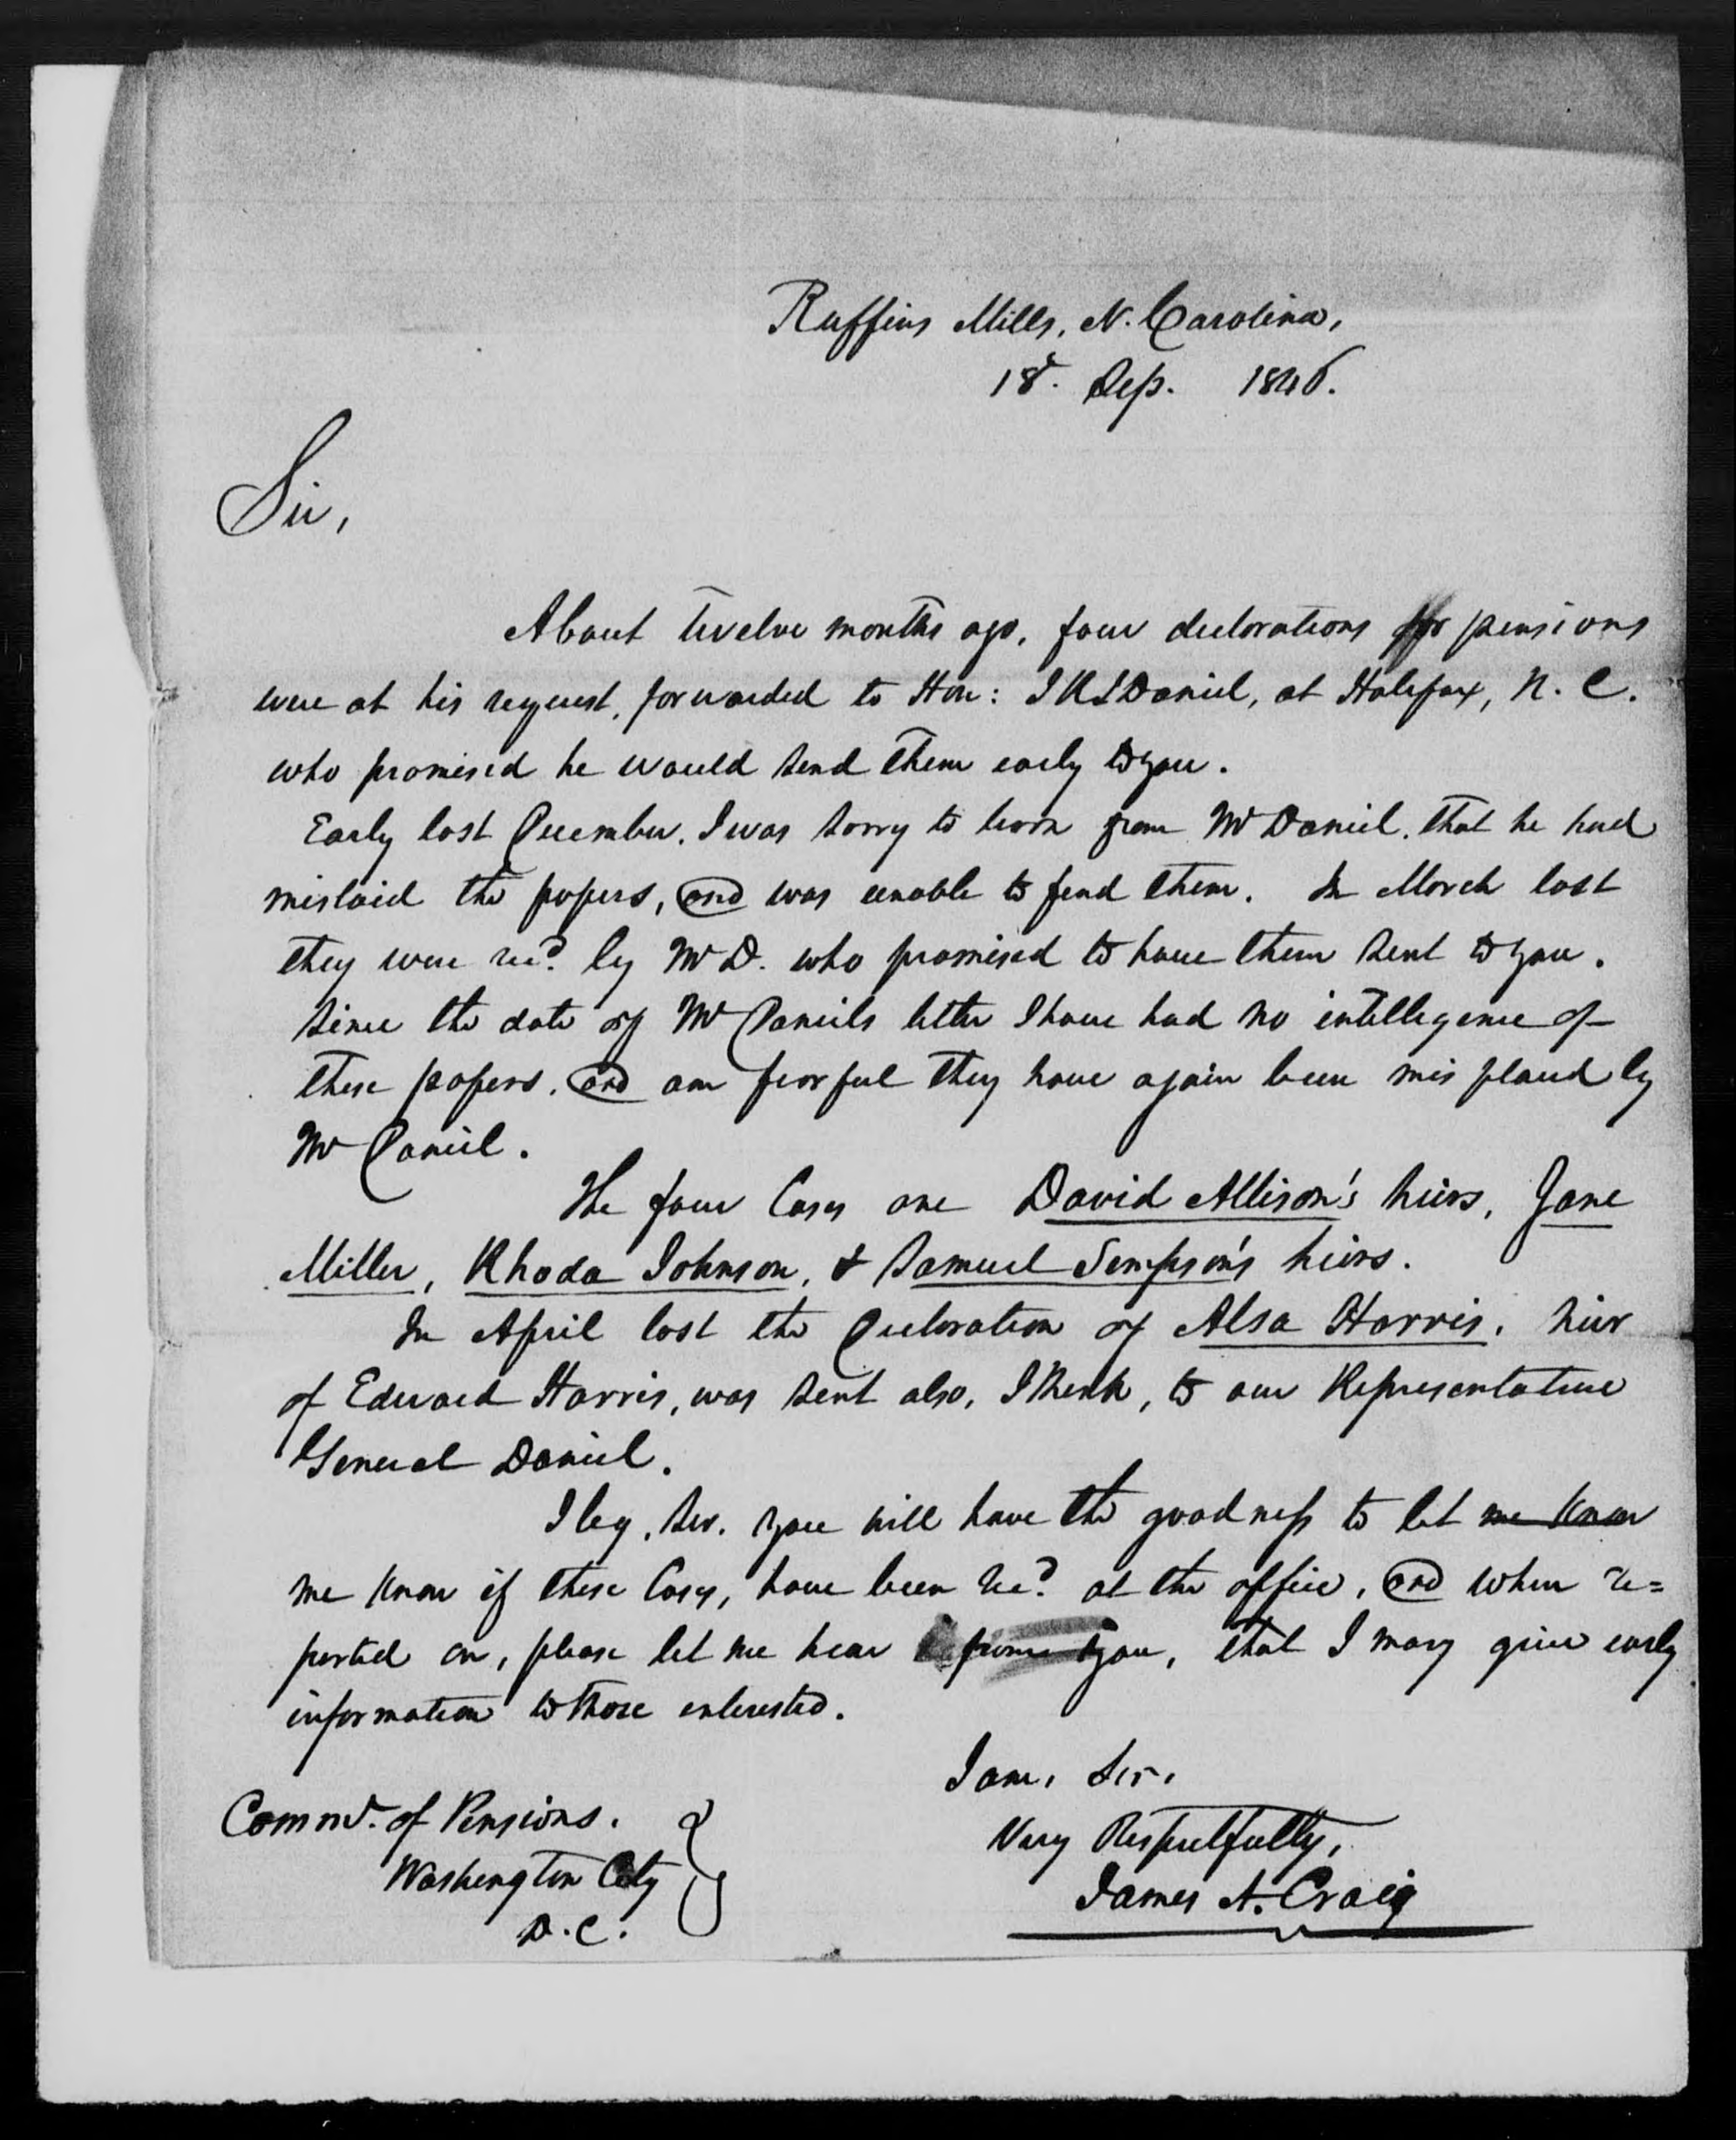Ruffins Mills, N. Carolina, 
18th. Sep. 1846
Sir, 
About Twelve months ago, four declarations of pension were at his request forwarded to Hon. JRJ Daniel, of Halifax, N.C. who promised he would send them early to you. 
Early last December, I was sorry to learn from Mr Daniel that he had mislaid the papers and was unable to send them. In March last they were rec'd by WD, who promised to have them sent to you. 
Since the date of Mr Daniels letter I have had no intelligence of these papers. and am fearful they have again been misplaced by Mr Daniel. 
The four cases are David Allison's heirs, Jane Miller, Rhoda Johnson, and Samuel Simpson's heirs.
In April last the Declaration of Alsa Harris, heir of Edward Harris, was sent also I think, to our Representative  General Daniel.
I beg, Sir, you will have the good rep to let me know if these copy have been rec'd? at the office and when reported on, please let me hear from you, that I may give early information to those interested.
I am, Sir, 
very respectfully,
James A Craig

Comm. of Pensions
Washington City DC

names: Daniel, Daniel, James A Craig, J R J Daniel, Samuel Sempson, David Allison, Jane Miller, Edward Harris, Rhoda Johnson, Daniels, Alsa Harris, Daniel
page: 28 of 33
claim: rejected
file: R. 155, David Allison, N.C.